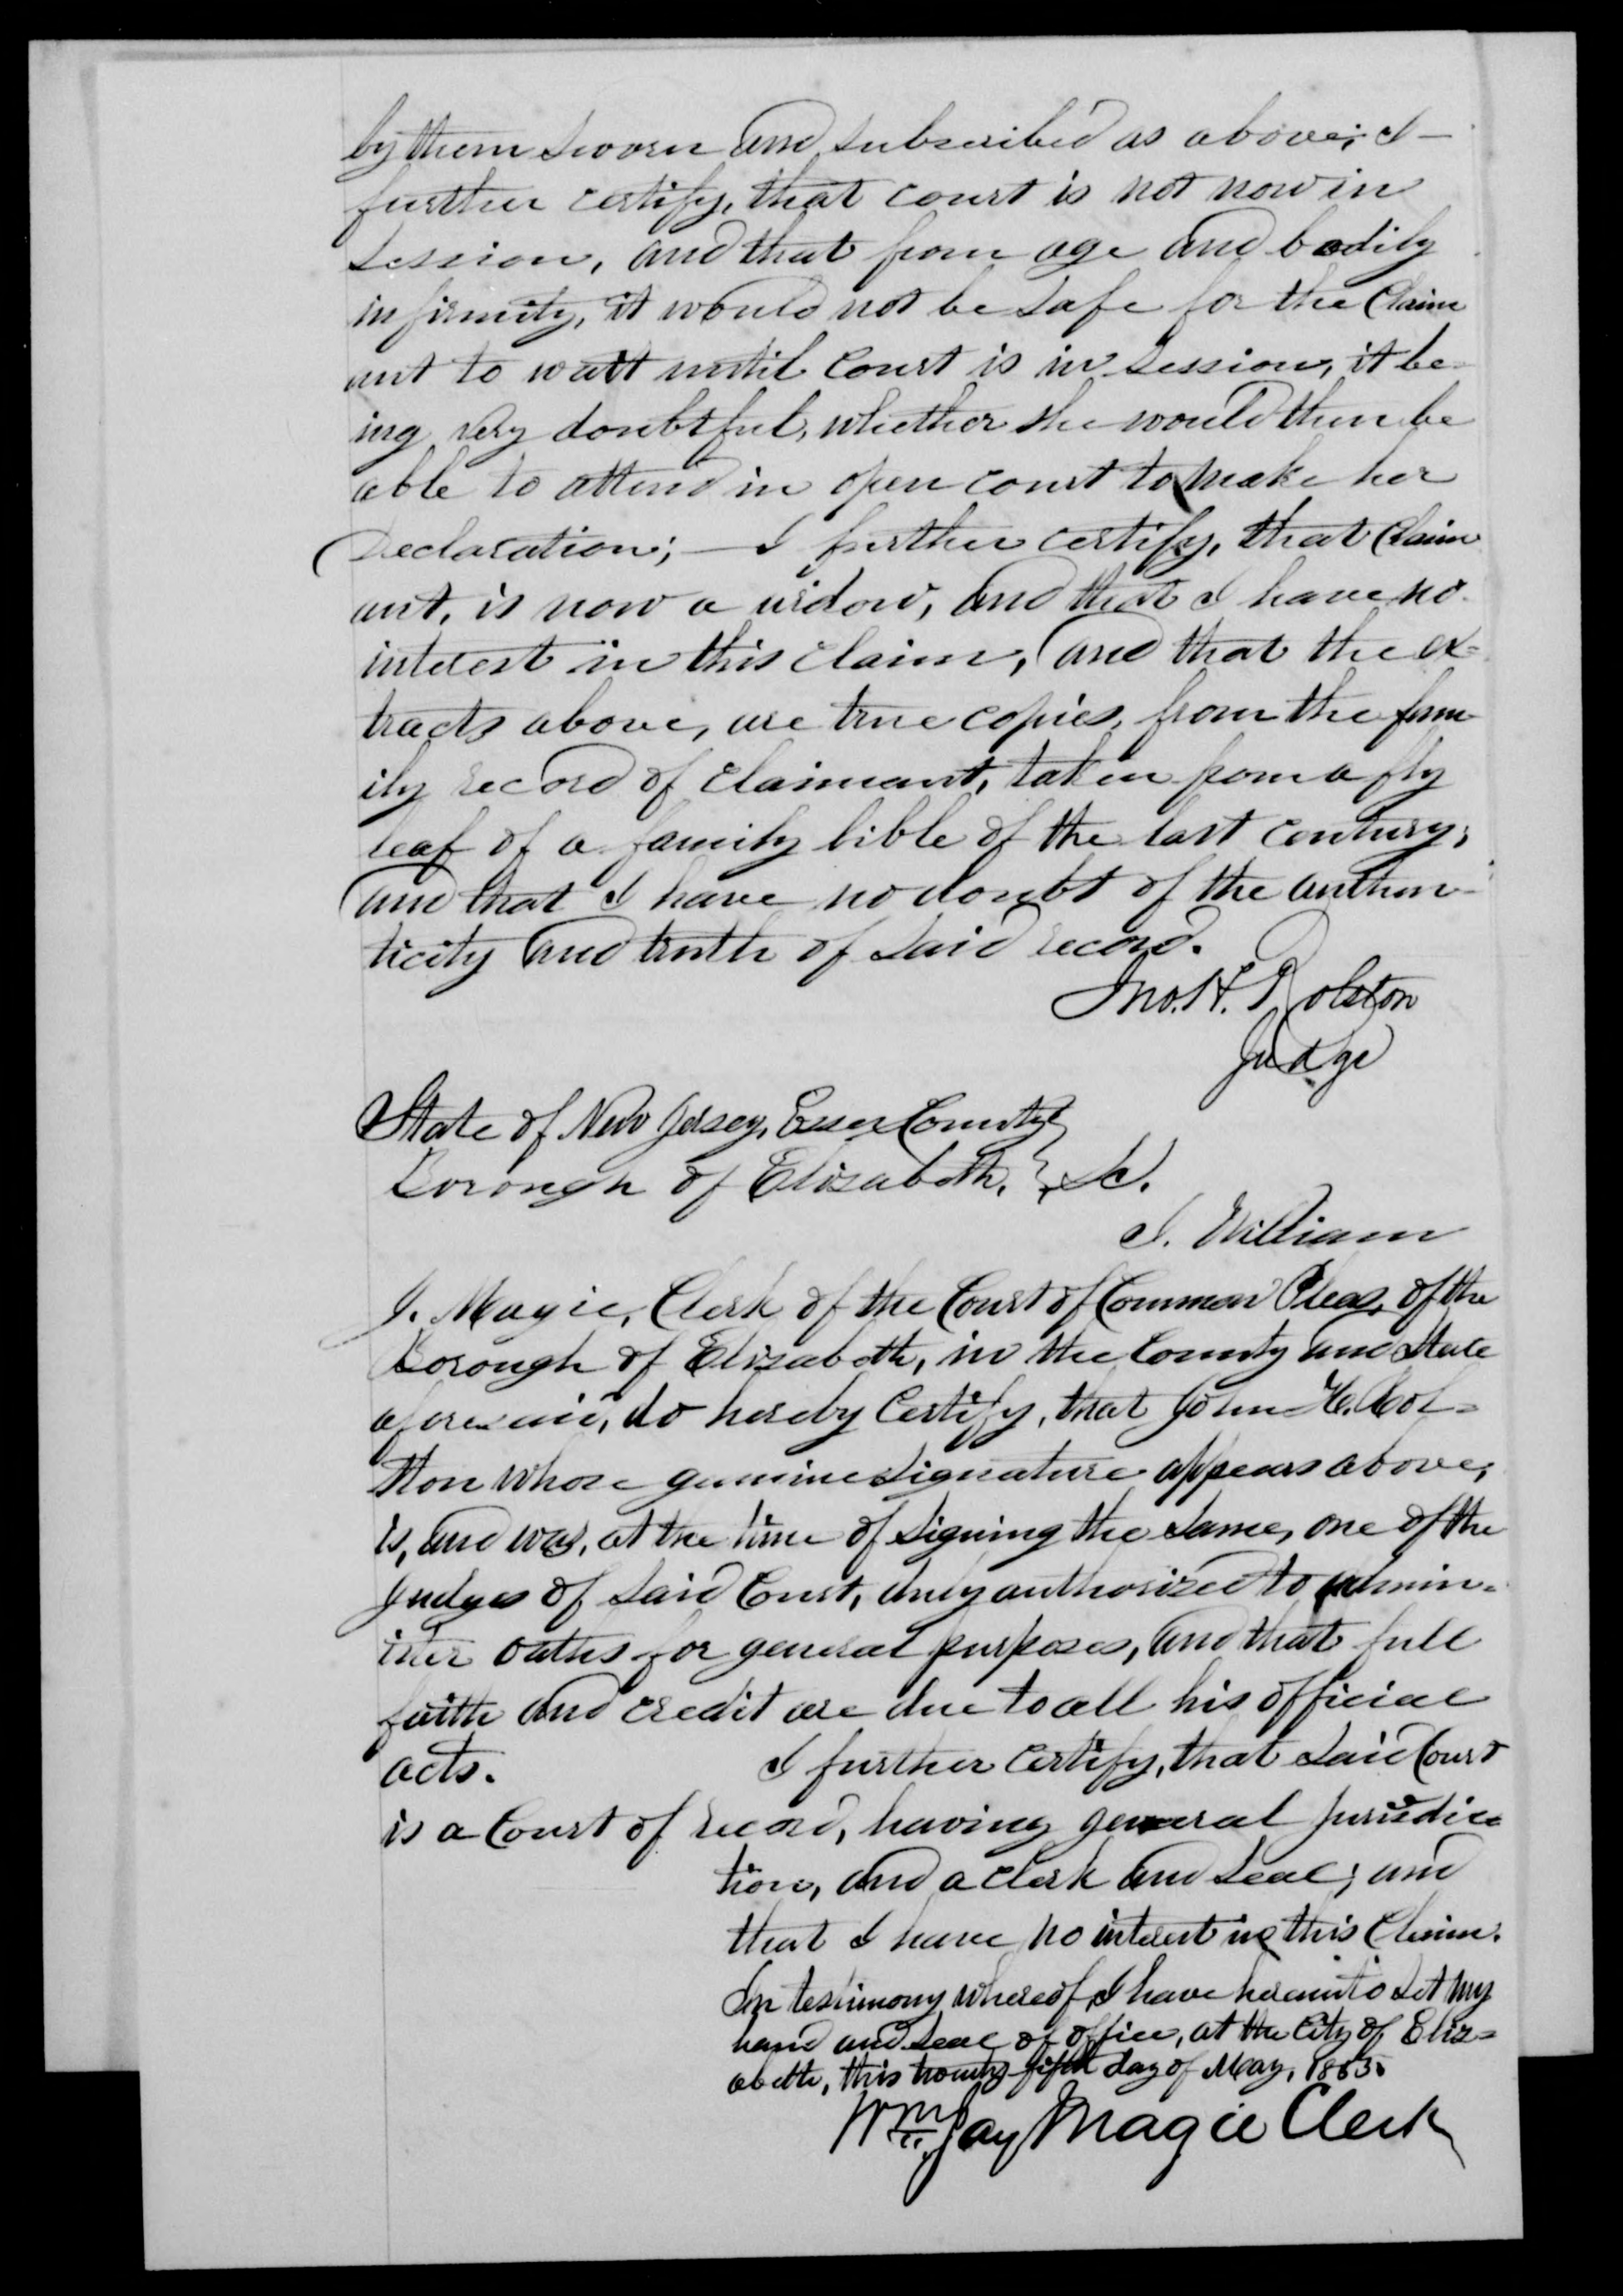by them sworn and subscribed as above; I further certify, that court is not now in Session, and that from age and bodily infirmity, it would not be safe for the Claimant to wait until Court is in Session, it being very doubtful, whether she would then be able to attend in open court to make her Declaration; - I further certify, that Claimant, is now a widow, and that I have no interest in this claim, and that the extracts above, are true copies, from the family record of claimant, taken from a fly leaf of a family bible of the last century, and that I have no doubt of the authenticity and truth of said record.
/s/Jno. H. Rolston Judge
State of New Jersey, Essex County 
Borough of Elizabeth,} Sc. I, William J. Magic, Clerk of the Court of Common Pleas, of the Borough of Elizabeth, in the County and State aforesaid, do hereby certify, that John H. Rolston whose genuine signature appears above, is, and was, at the time of Signing the Same, one of the Judges of Said Court, duly authorized to administer oaths for general purposes, and that full faith and credit are due to all his official acts. 
I further certify, that said Court is a Court of record having general jurisdiction, and a clerk and Seal; and that I have no interest in this Claim. 
[court seal affixed] In testimony whereof I have hereunto set my hand and Seal of office, at the City of Elizabeth, this twenty-fifth day of May, 1855.
/s/Wm. Jay Magic Clerk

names: William J Magic; Wm Jay Magic; John H Rolston; Jno H Rolston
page: 20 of 65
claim: widow's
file: W. 7197, for Jonathan Spear, Vermont